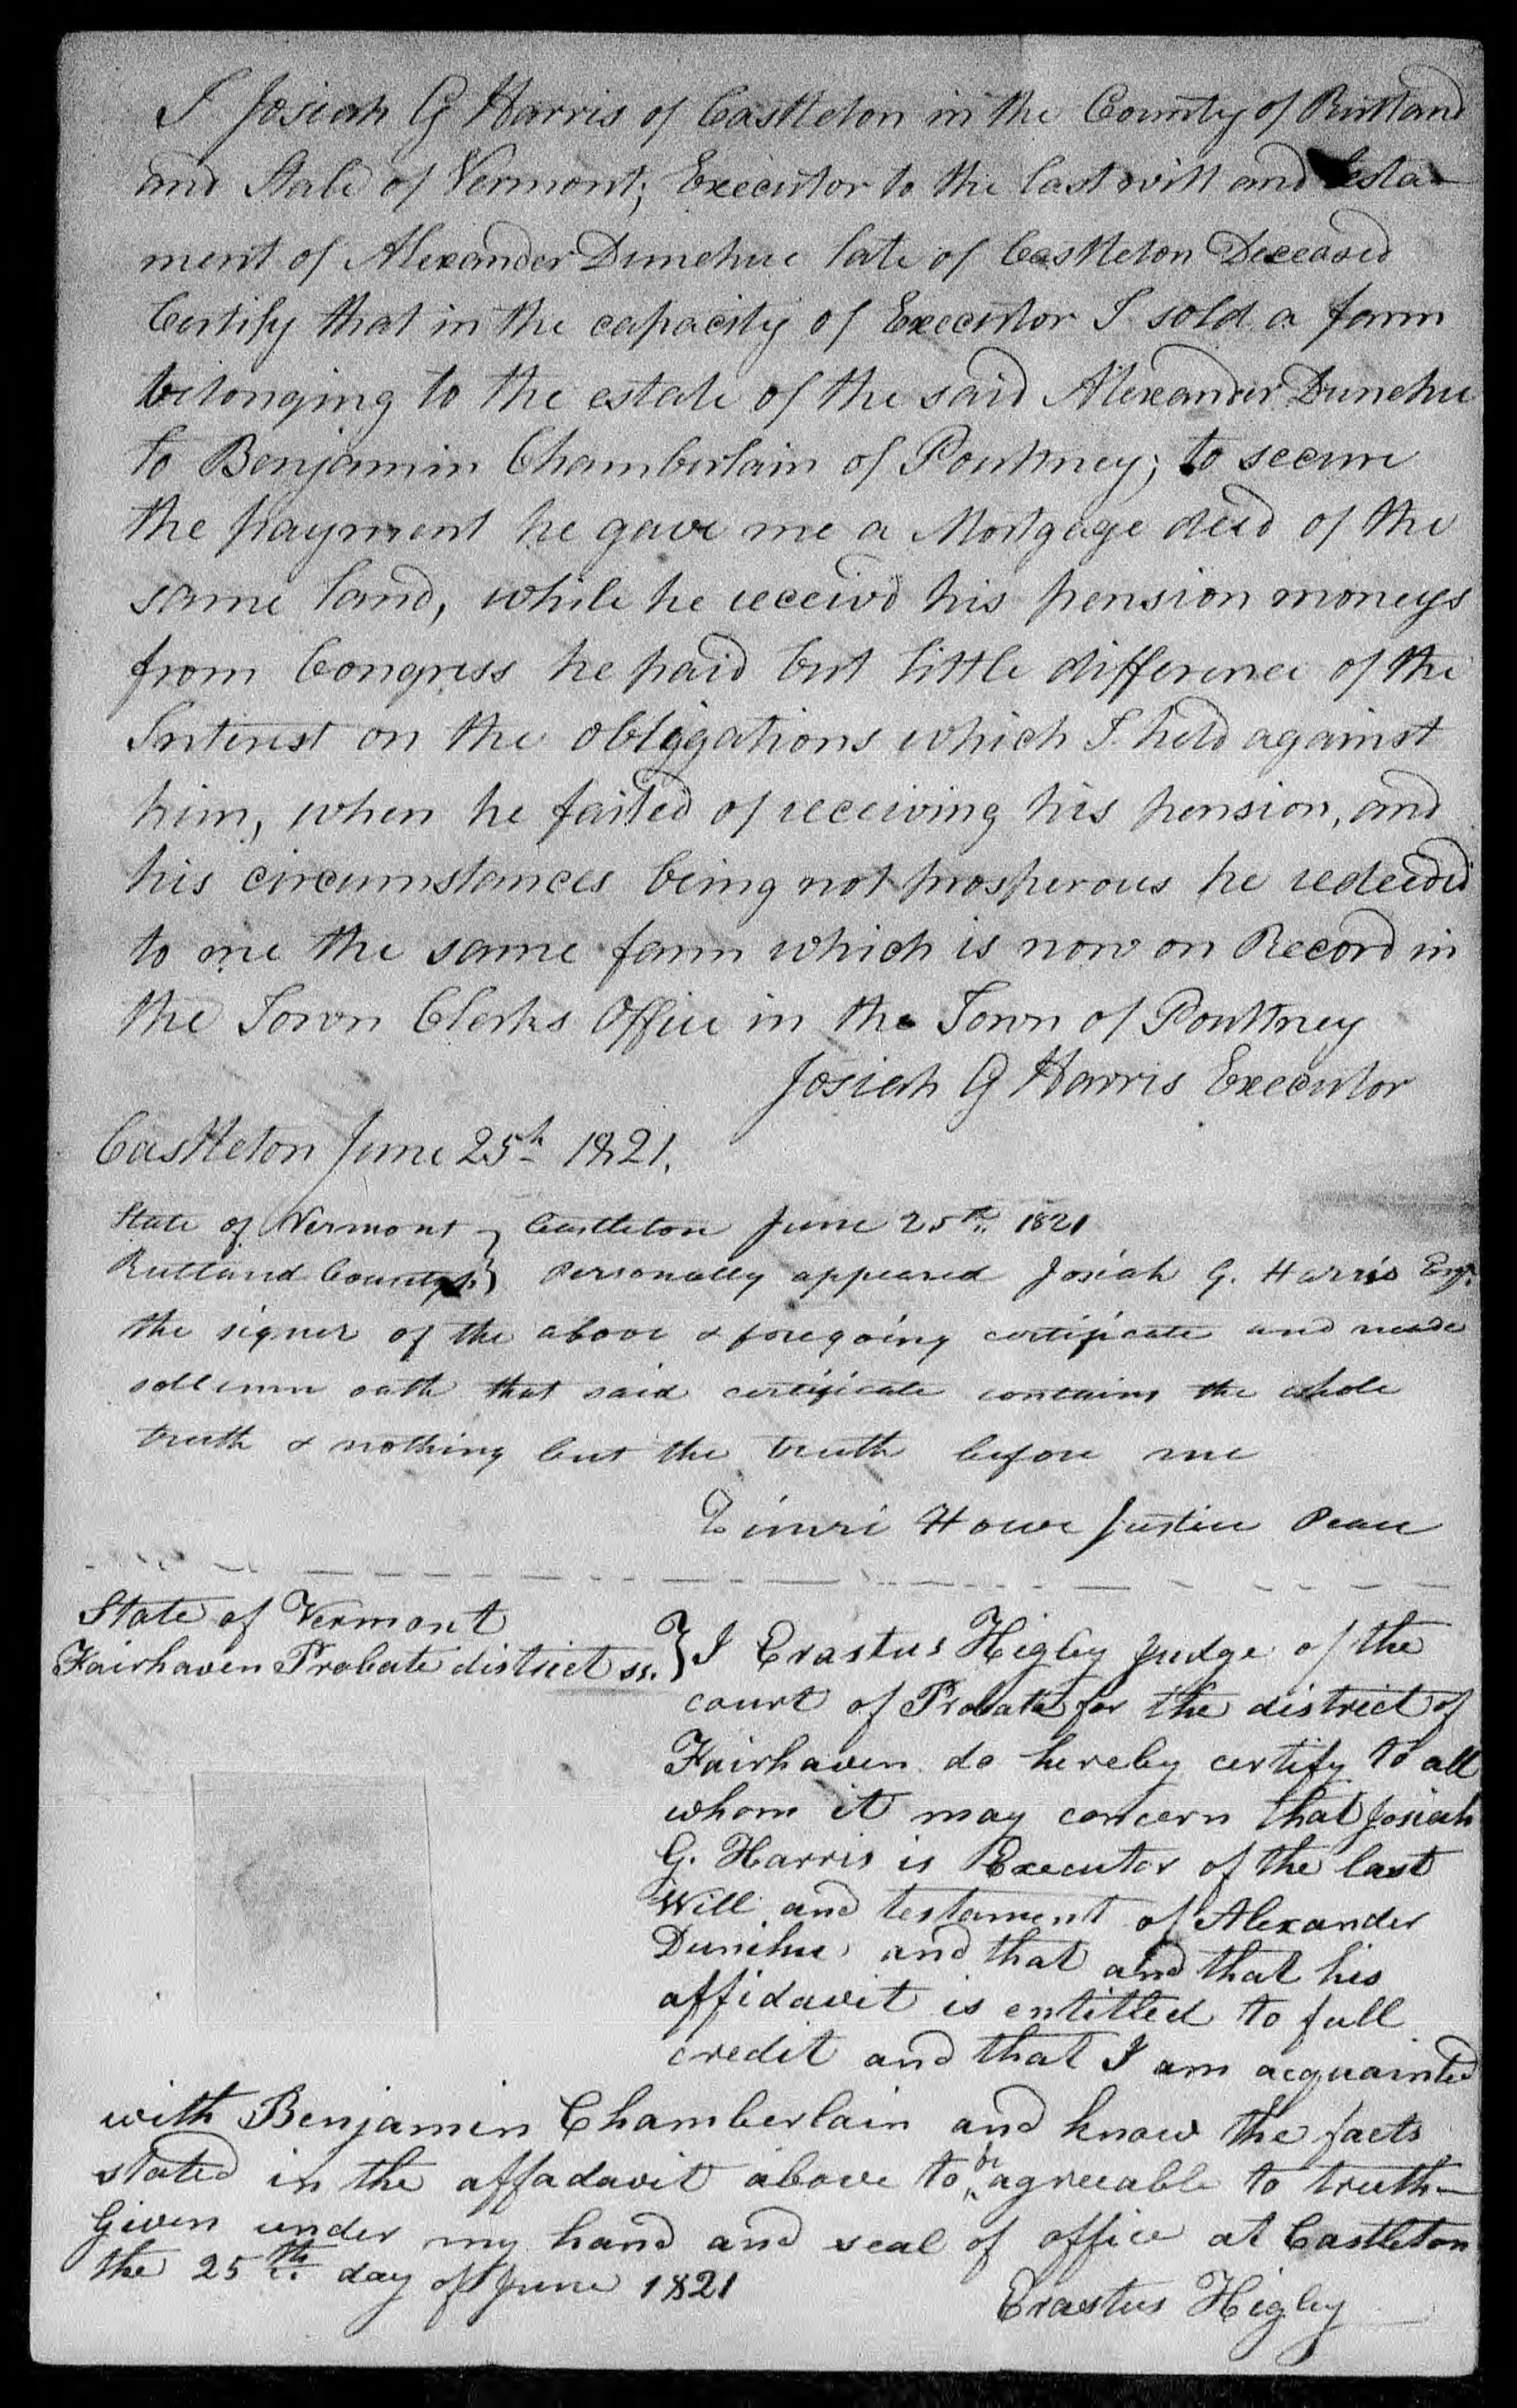I Josiah G Harris of Castleton in the County of Rutland and state of Vermont, Executor to the last will and testament of Alexander Dunehue late of Castleton deceased certify that in the capacity of Executor I sold a farm belonging to the estate of the said Alexander Dunehue to Benjamin Chamberlain of Poultney to serve the payment he gave me a mortgage deed of the same land, while he received his pension moneys from Congress he paid but little difference of the interest on the obligation which I hold against him, when he failed of receiving his pension, and his circumstances being not prosperous he redeeded to one the same farm which is now on record in the Town Clerk's office in the town of Poultney. 
Josiah G. Harris Executor
Castleton June 25th 1821

State of Vermont Rutland County} Castleton June 25th 1821
Personally appeared Josiah G. Harris Esq. the signer of the above & foregoing certificate and made solemn oath that said certificate contains the whole truth & nothing but the truth before me   Zimri Howe Justice of the Peace

State of Vermont Fairhaven Probate District ss.}
I Erastus Higby judge of the court of Probate for the district of Fairhaven, do hereby certify to all whom it may concern that Josiah G. Harris is Executor of the last will and testament of Alexander Dunehue, and that and that his affidavit is entitled to full credit and that I am acquainted with Benjamin Chamberlain and know the facts stated in the affadavit above to be agreeable to truth - Given under mu hand and seal of office at Castleton the 25th day of June 1821   Erastus Higby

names: Benjamin Chamberlain, Josiah G Harris, Josiah G Harris, Alexander Donohue, Zimri Howe, Josiah G Harris, Alexander Dunihue, Josiah G Harris, Alexander Donohue, Erastus Higby, Erastus Higby, Benjamin Chamberlain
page: 15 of 30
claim: survivor's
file: S. 39306, Benjamin Chamberlin, Mass.